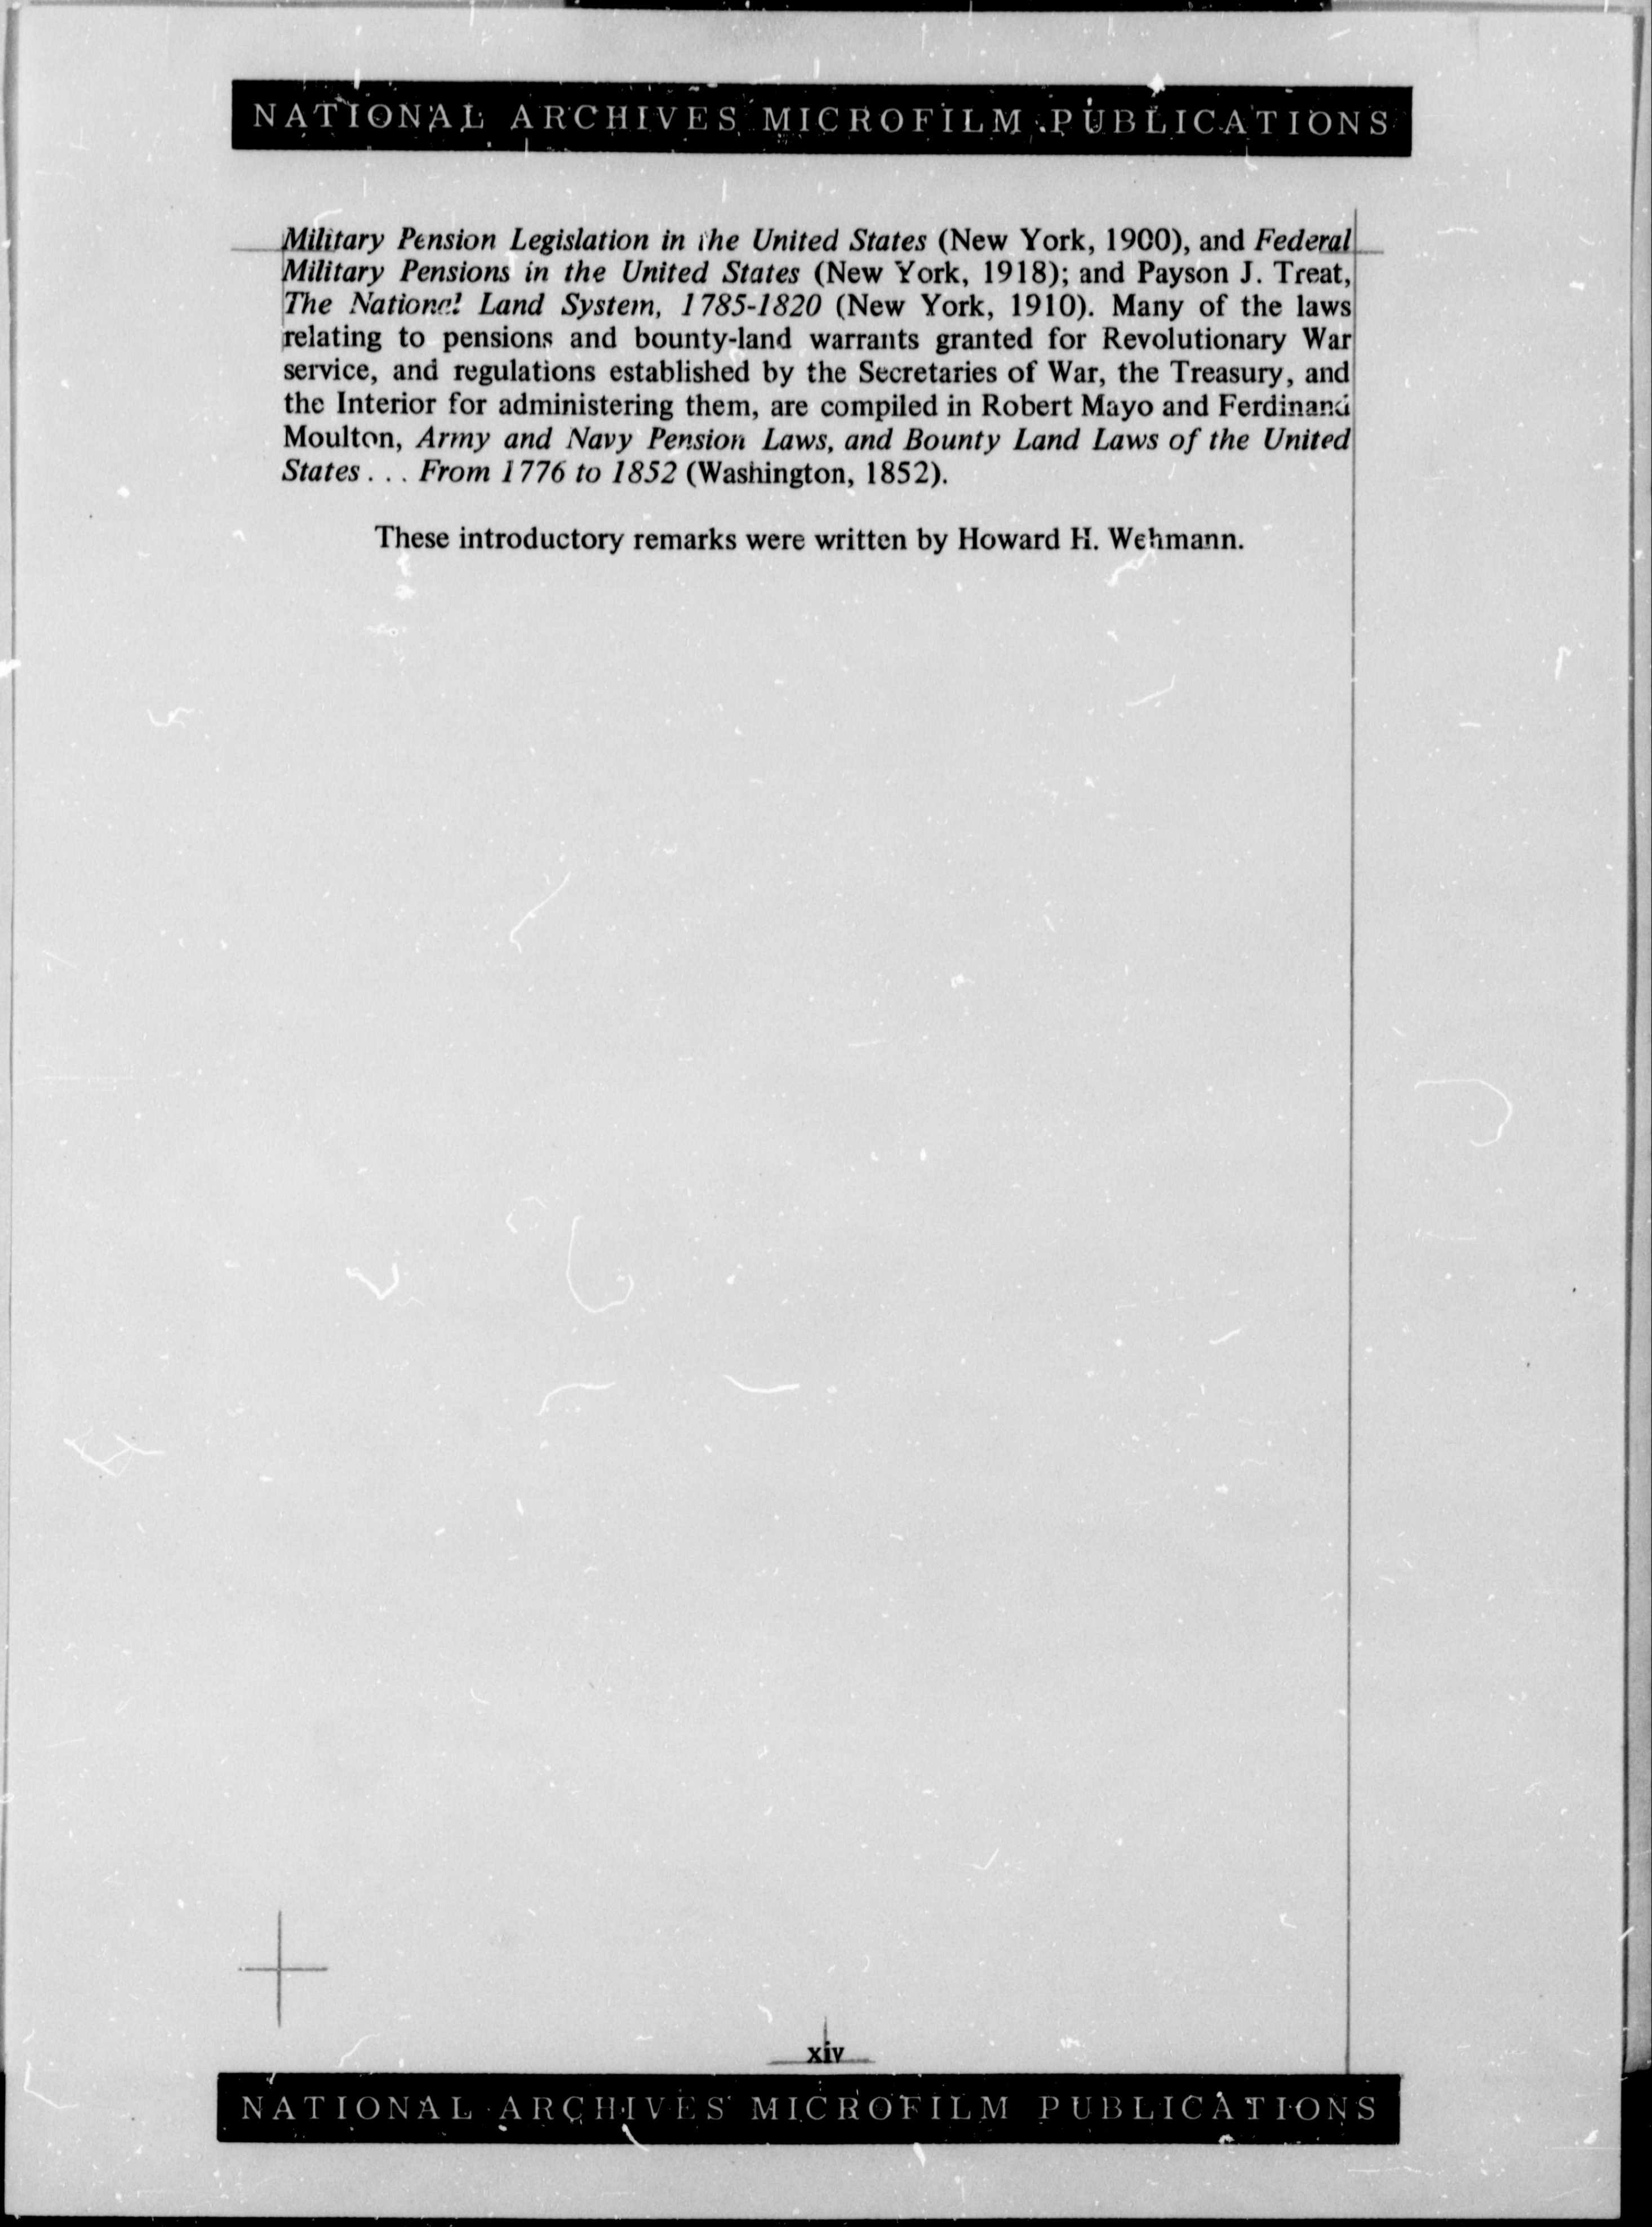NATIONAL ARCHIVES MICROFILM PUBLICATIONS

Military Pension Legislation in the United States (New York, 1900), and Federal Military Pensions
in the United States (New York, 1918); and Payson J. Treat, The National Land System, 1785-1820 (New York, 1910).  Many of the laws
relating to pensions and bounty-land warrants
granted for Revolutionary War service, and regulations established by the Secretaries of War, the Treasury, and the Interior for administering them, are compiled in Robert Mayo and Ferdinand Moulton, Army and Navy Pension Laws, and Bounty Land Laws of the United States . . . From 1776 to 1852 (Washington, 1852).

These introductory remarks were written by Howard H. Wehmann.

NATIONAL ARCHIVES MICROFILM PUBLICATIONS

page: 14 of 61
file: Revolutionary War Pension and Bounty Land Warrant Application File